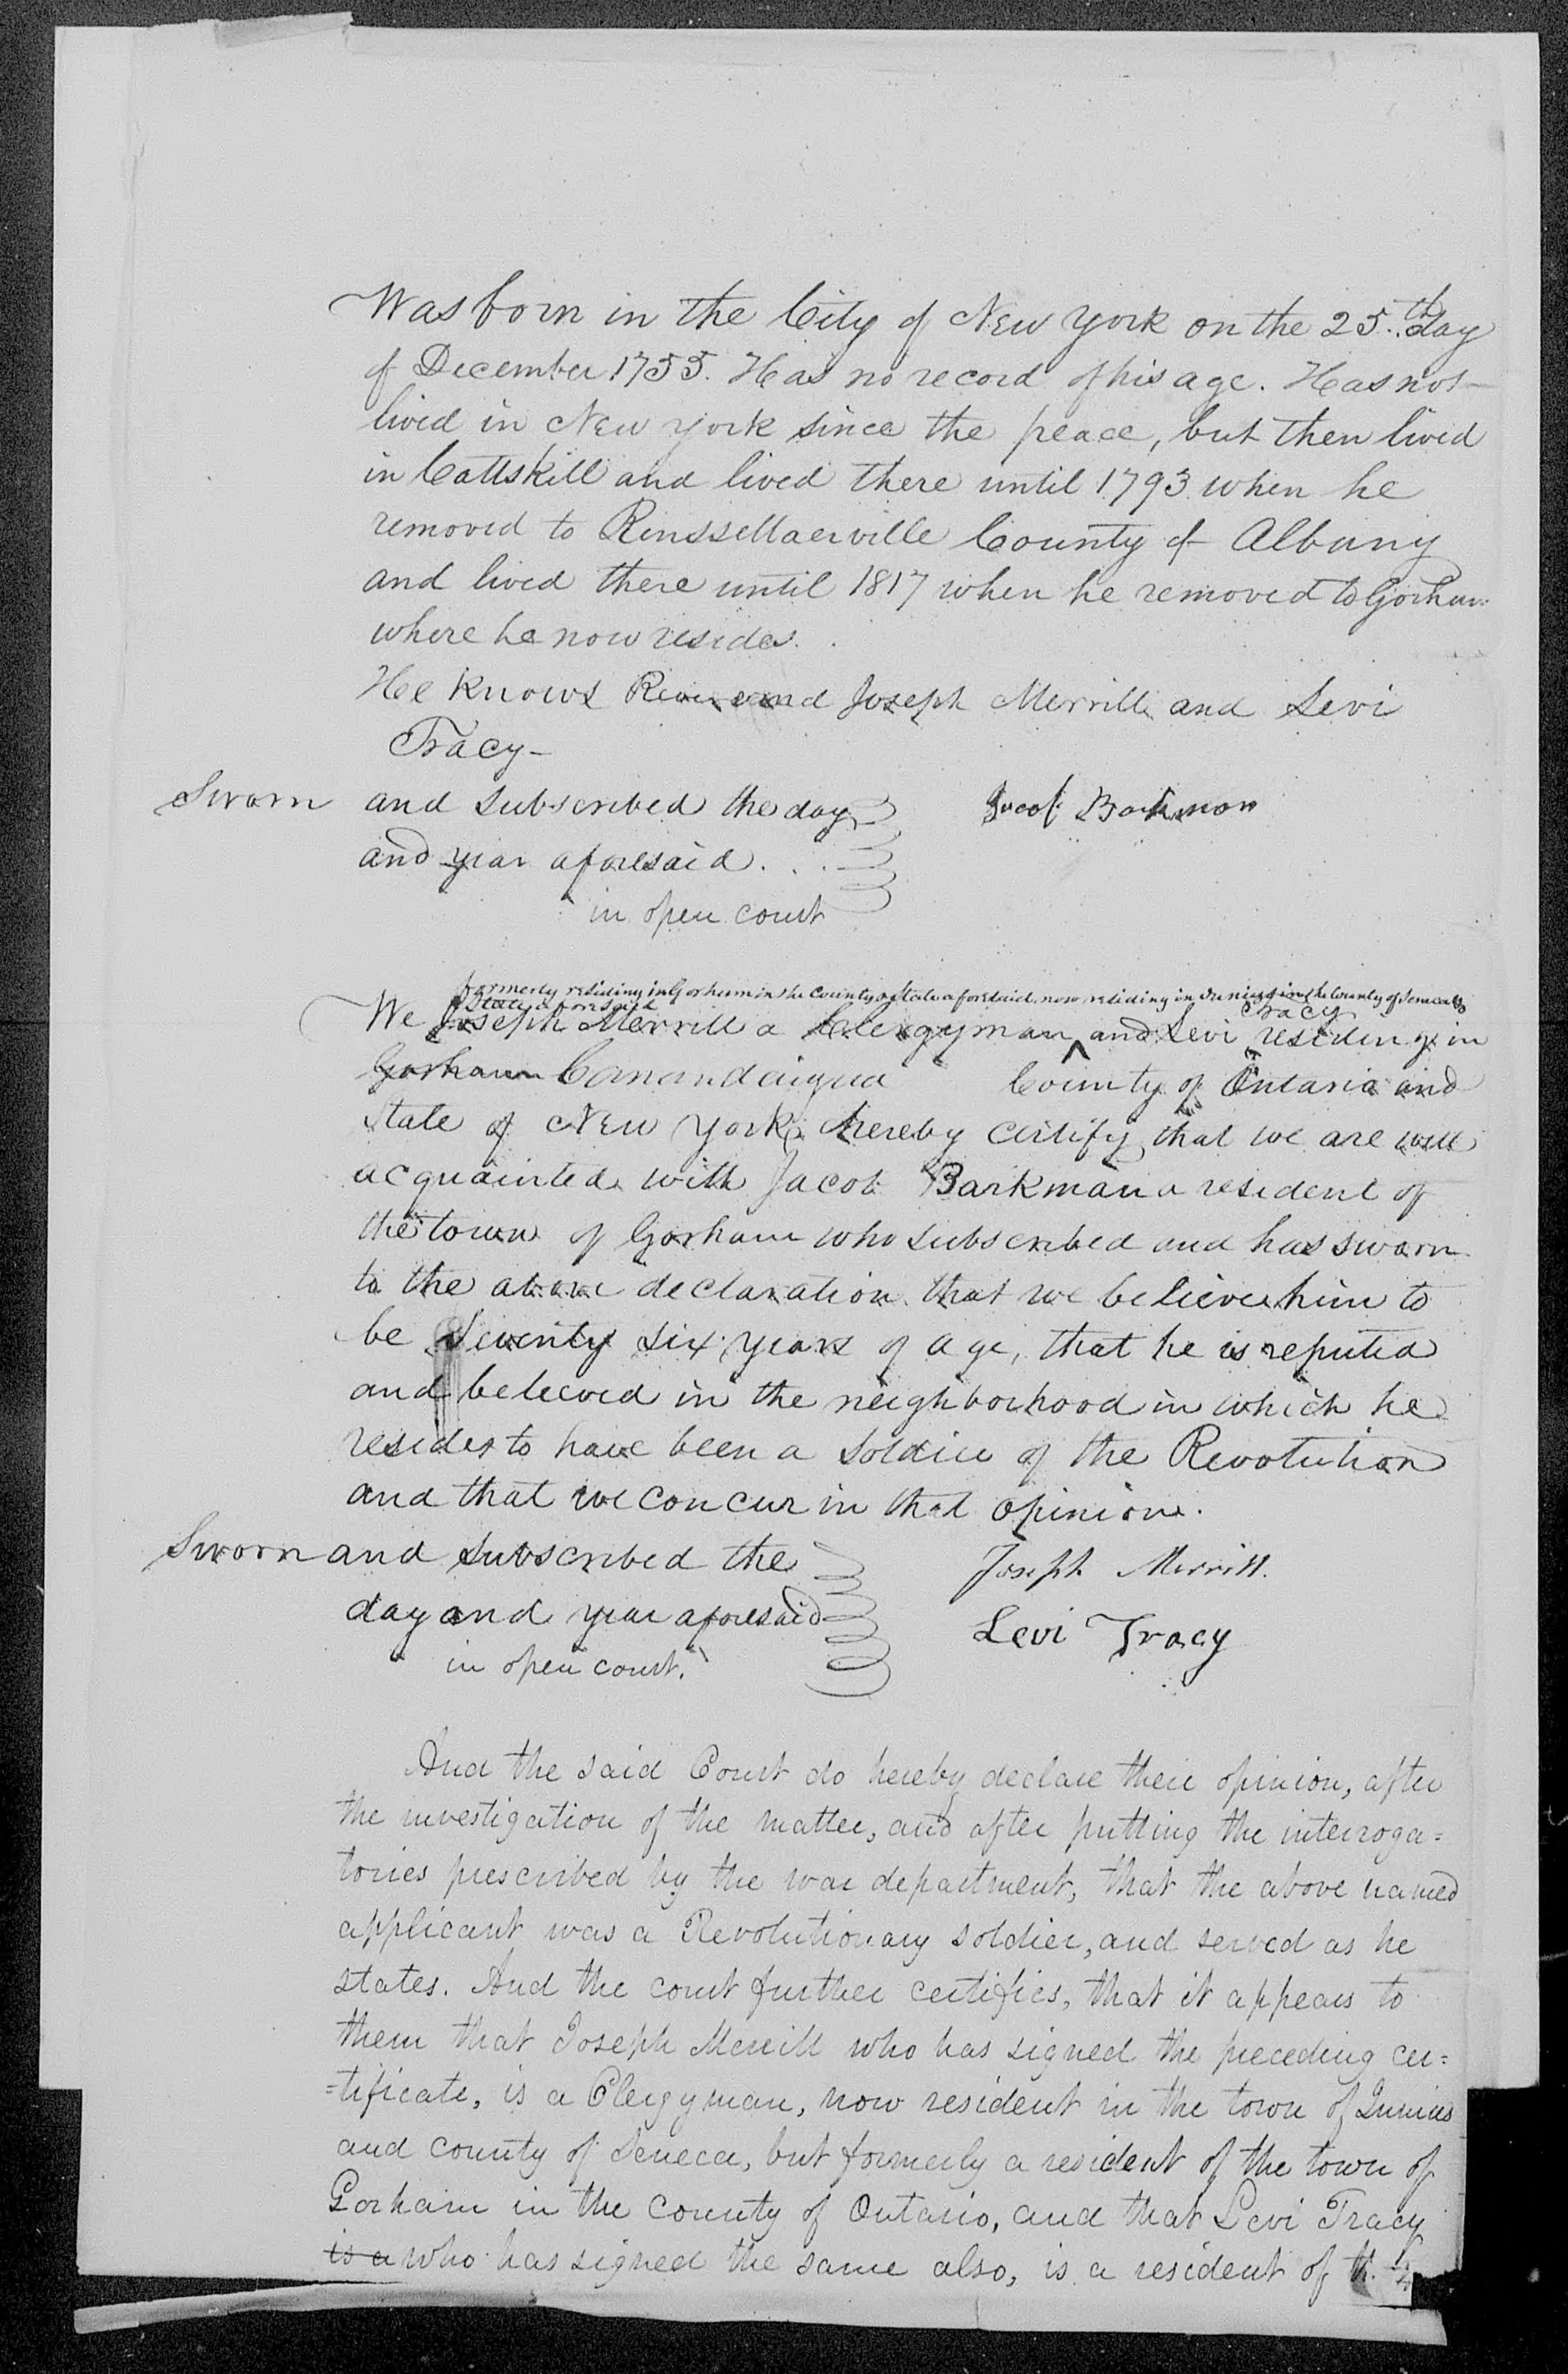Was born in the City of New York on the 25th day of December 1755. Has no record of his age. Has not lived in New York since the peace, but then lived in Catskill and lived there until 1793 when he removed to Rensselaervill County of Albany and lived there until 1817 when he removed to Gorham where he now resides.

He knows Reverand Joseph Merrill and Levi Tracy

Sworn and subscribed the day
and year aforesaid in open court

Jacob Barkman

We joseph Merrill a clergyman and Levi Tracy residing in Gorham County of Ontario and State of New York hereby certify that we are well acquainted with Jaco Barkman a resident of the town of Gorham who subscribed and has sworn to the above declaration that we believe him to be Seventy six years of age, that he is reputed and beloved in the neighborhood in which he resides to have been a Soldier of the Revolutaion and we concur in the opinion.

Sworn and subscribed the day and year aforesaid in open Court

Joseph Merrill
Levi Tracy

And the said court do hereby declare their opinion, after the investigation of the matter, and after putting the interrogatories prescribed by the war department, that the above named applicant was a Revolutionary soldier, and served as he states. And the court futher cerifies, that it appears to them that Joseph Merrill who has signed the preceding certificate, is a Clergyman, now resident in the town of  and couty of Seneca, but formerly a resident of the town of Gorham in the County of Ontario, and that Levi Tracy who has signed the same also, is a resident of the town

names: Levi Tracy, Jacob Barkman, Joseph Merrill, Jacob Barkman, Levi Tracy, Levi Tracy, Joseph Merrill, Joseph Merrill, Joseph Merrill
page: 7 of 12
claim: survivor's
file: S. 23,528, Jacob Barkman, New York